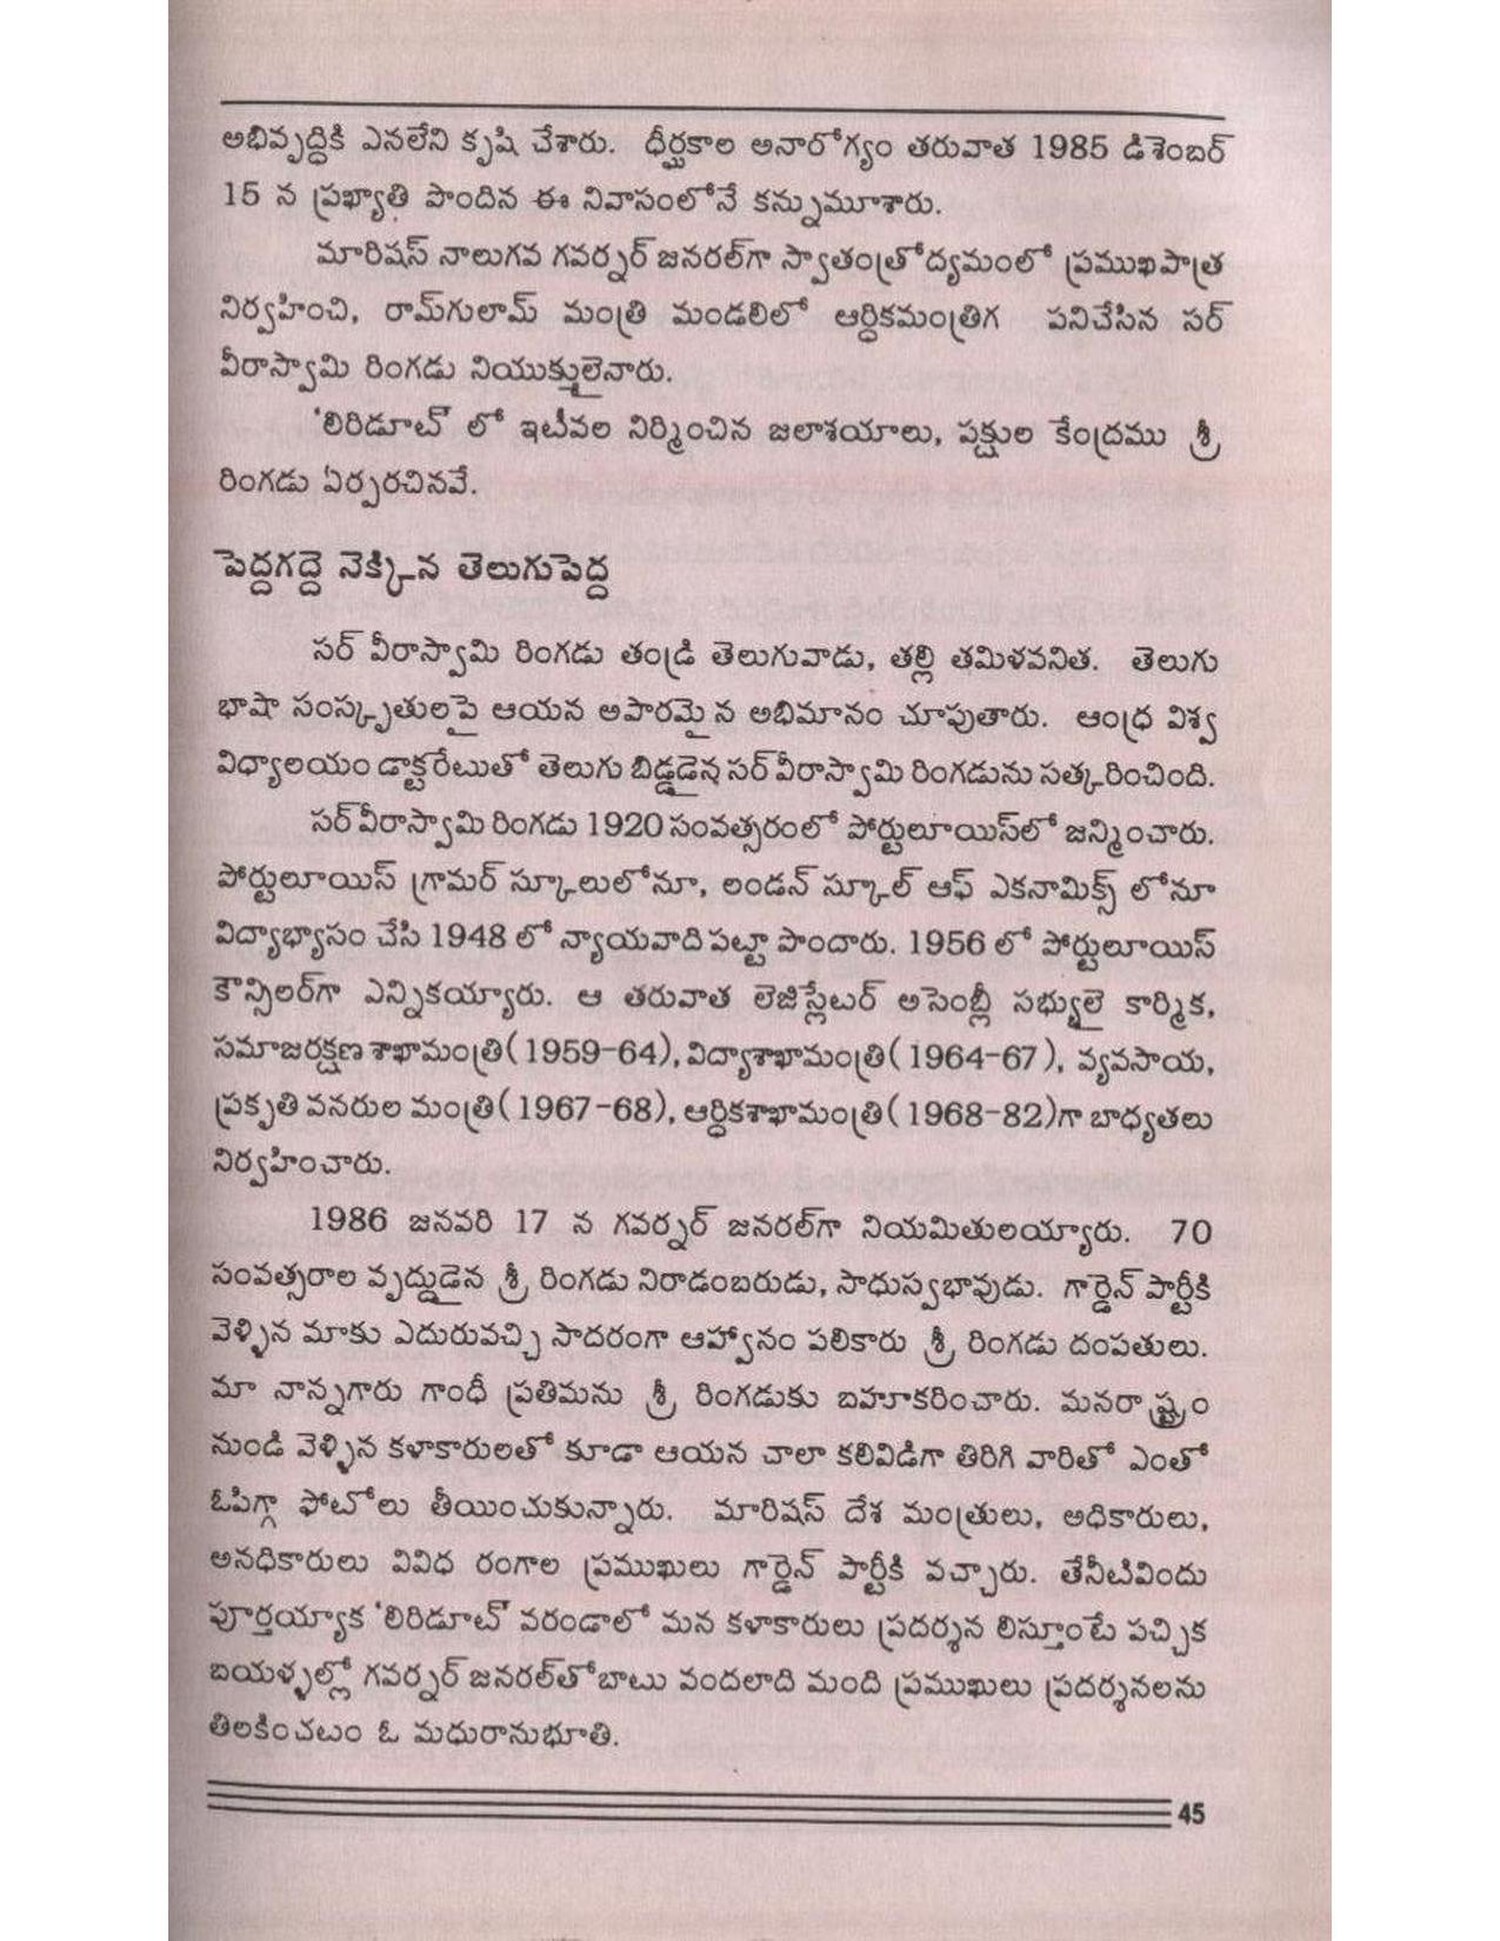అభివృద్ధికి ఎనలేని కృషి చేశారు. దీర్ఘకాల అనారోగ్యం తరువాత 1985 డిశెంబర్ 15 న ప్రఖ్యాతి పొందిన ఈ నివాసంలోనే కన్నుమూశారు.

మారిషస్ నాలుగవ గవర్నర్ జనరల్‌గా స్వాతంత్రోద్యమంలో ప్రముఖపాత్ర నిర్వహించి, రామ్‌గులామ్ మంత్రి మండలిలో ఆర్ధికమంత్రిగ పనిచేసిన సర్ వీరాస్వామి రింగడు నియుక్తులైనారు.

లిరిడూబ్ లో ఇటీవల నిర్మించిన జలాశయాలు, పక్షుల కేంద్రము శ్రీ రింగడు ఏర్పరచినవే.

పెద్దగద్దె నెక్కిన తెలుగుపెద్ద

సర్ వీరాస్వామి రింగడు తండ్రి తెలుగువాడు, తల్లి తమిళవనిత. తెలుగు భాషా సంస్కృతులపై ఆయన అపారమైన అభిమానం చూపుతారు. ఆంధ్ర విశ్వ విధ్యాలయం డాక్టరేటుతో తెలుగు బిడ్డడైన సర్‌వీరాస్వామి రింగడును సత్కరించింది.

సర్‌వీరాస్వామి రింగడు 1920 సంవత్సరంలో పోర్టులూయిస్‌లో జన్మించారు. పోర్టులూయిస్ గ్రామర్ స్కూలులోనూ, లండన్ స్కూల్ ఆఫ్ ఎకనామిక్స్ లోనూ విద్యాభ్యాసం చేసి 1948 లో న్యాయవాది పట్టా పొందారు. 1956 లో పోర్టులూయిస్ కౌన్సిలర్‌గా ఎన్నికయ్యారు. ఆ తరువాత లెజిస్లేటర్ అసెంబ్లీ సభ్యులై కార్మిక, సమాజరక్షణశాఖామంత్రి(1959-64),విద్యాశాఖామంత్రి(1964-67), వ్యవసాయ, ప్రకృతి వనరుల మంత్రి(1967-68), ఆర్ధికశాఖామంత్రి(1968-82)గా బాధ్యతలు నిర్వహించారు.

1986 జనవరి 17 న గవర్నర్ జనరల్‌గా నియమితులయ్యారు. 70 సంవత్సరాల వృద్దుడైన శ్రీ రింగడు నిరాడంబరుడు, సాధుస్వభావుడు. గార్డెన్ పార్టీకి వెళ్ళిన మాకు ఎదురువచ్చి సాదరంగా ఆహ్వానం పలికారు శ్రీ రింగడు దంపతులు. మా నాన్నగారు గాంధీ ప్రతిమను శ్రీ రింగడుకు బహూకరించారు. మనరాష్ట్రం నుండి వెళ్ళిన కళాకారులతో కూడా ఆయన చాలా కలివిడిగా తిరిగి వారితో ఎంతో ఓపిగ్గా ఫోటోలు తీయించుకున్నారు. మారిషస్ దేశ మంత్రులు, అధికారులు, అనధికారులు వివిధ రంగాల ప్రముఖులు గార్డెన్ పార్టీకి వచ్చారు. తేనీటివిందు పూర్తయ్యాక లిరిడూబ్ వరండాలో మన కళాకారులు ప్రదర్శన లిస్తూంటే పచ్చిక బయళ్ళల్లో గవర్నర్ జనరల్‌తో బాటు వందలాది మంది ప్రముఖులు ప్రదర్శనలను తిలకించటం ఓ మధురానుభూతి.